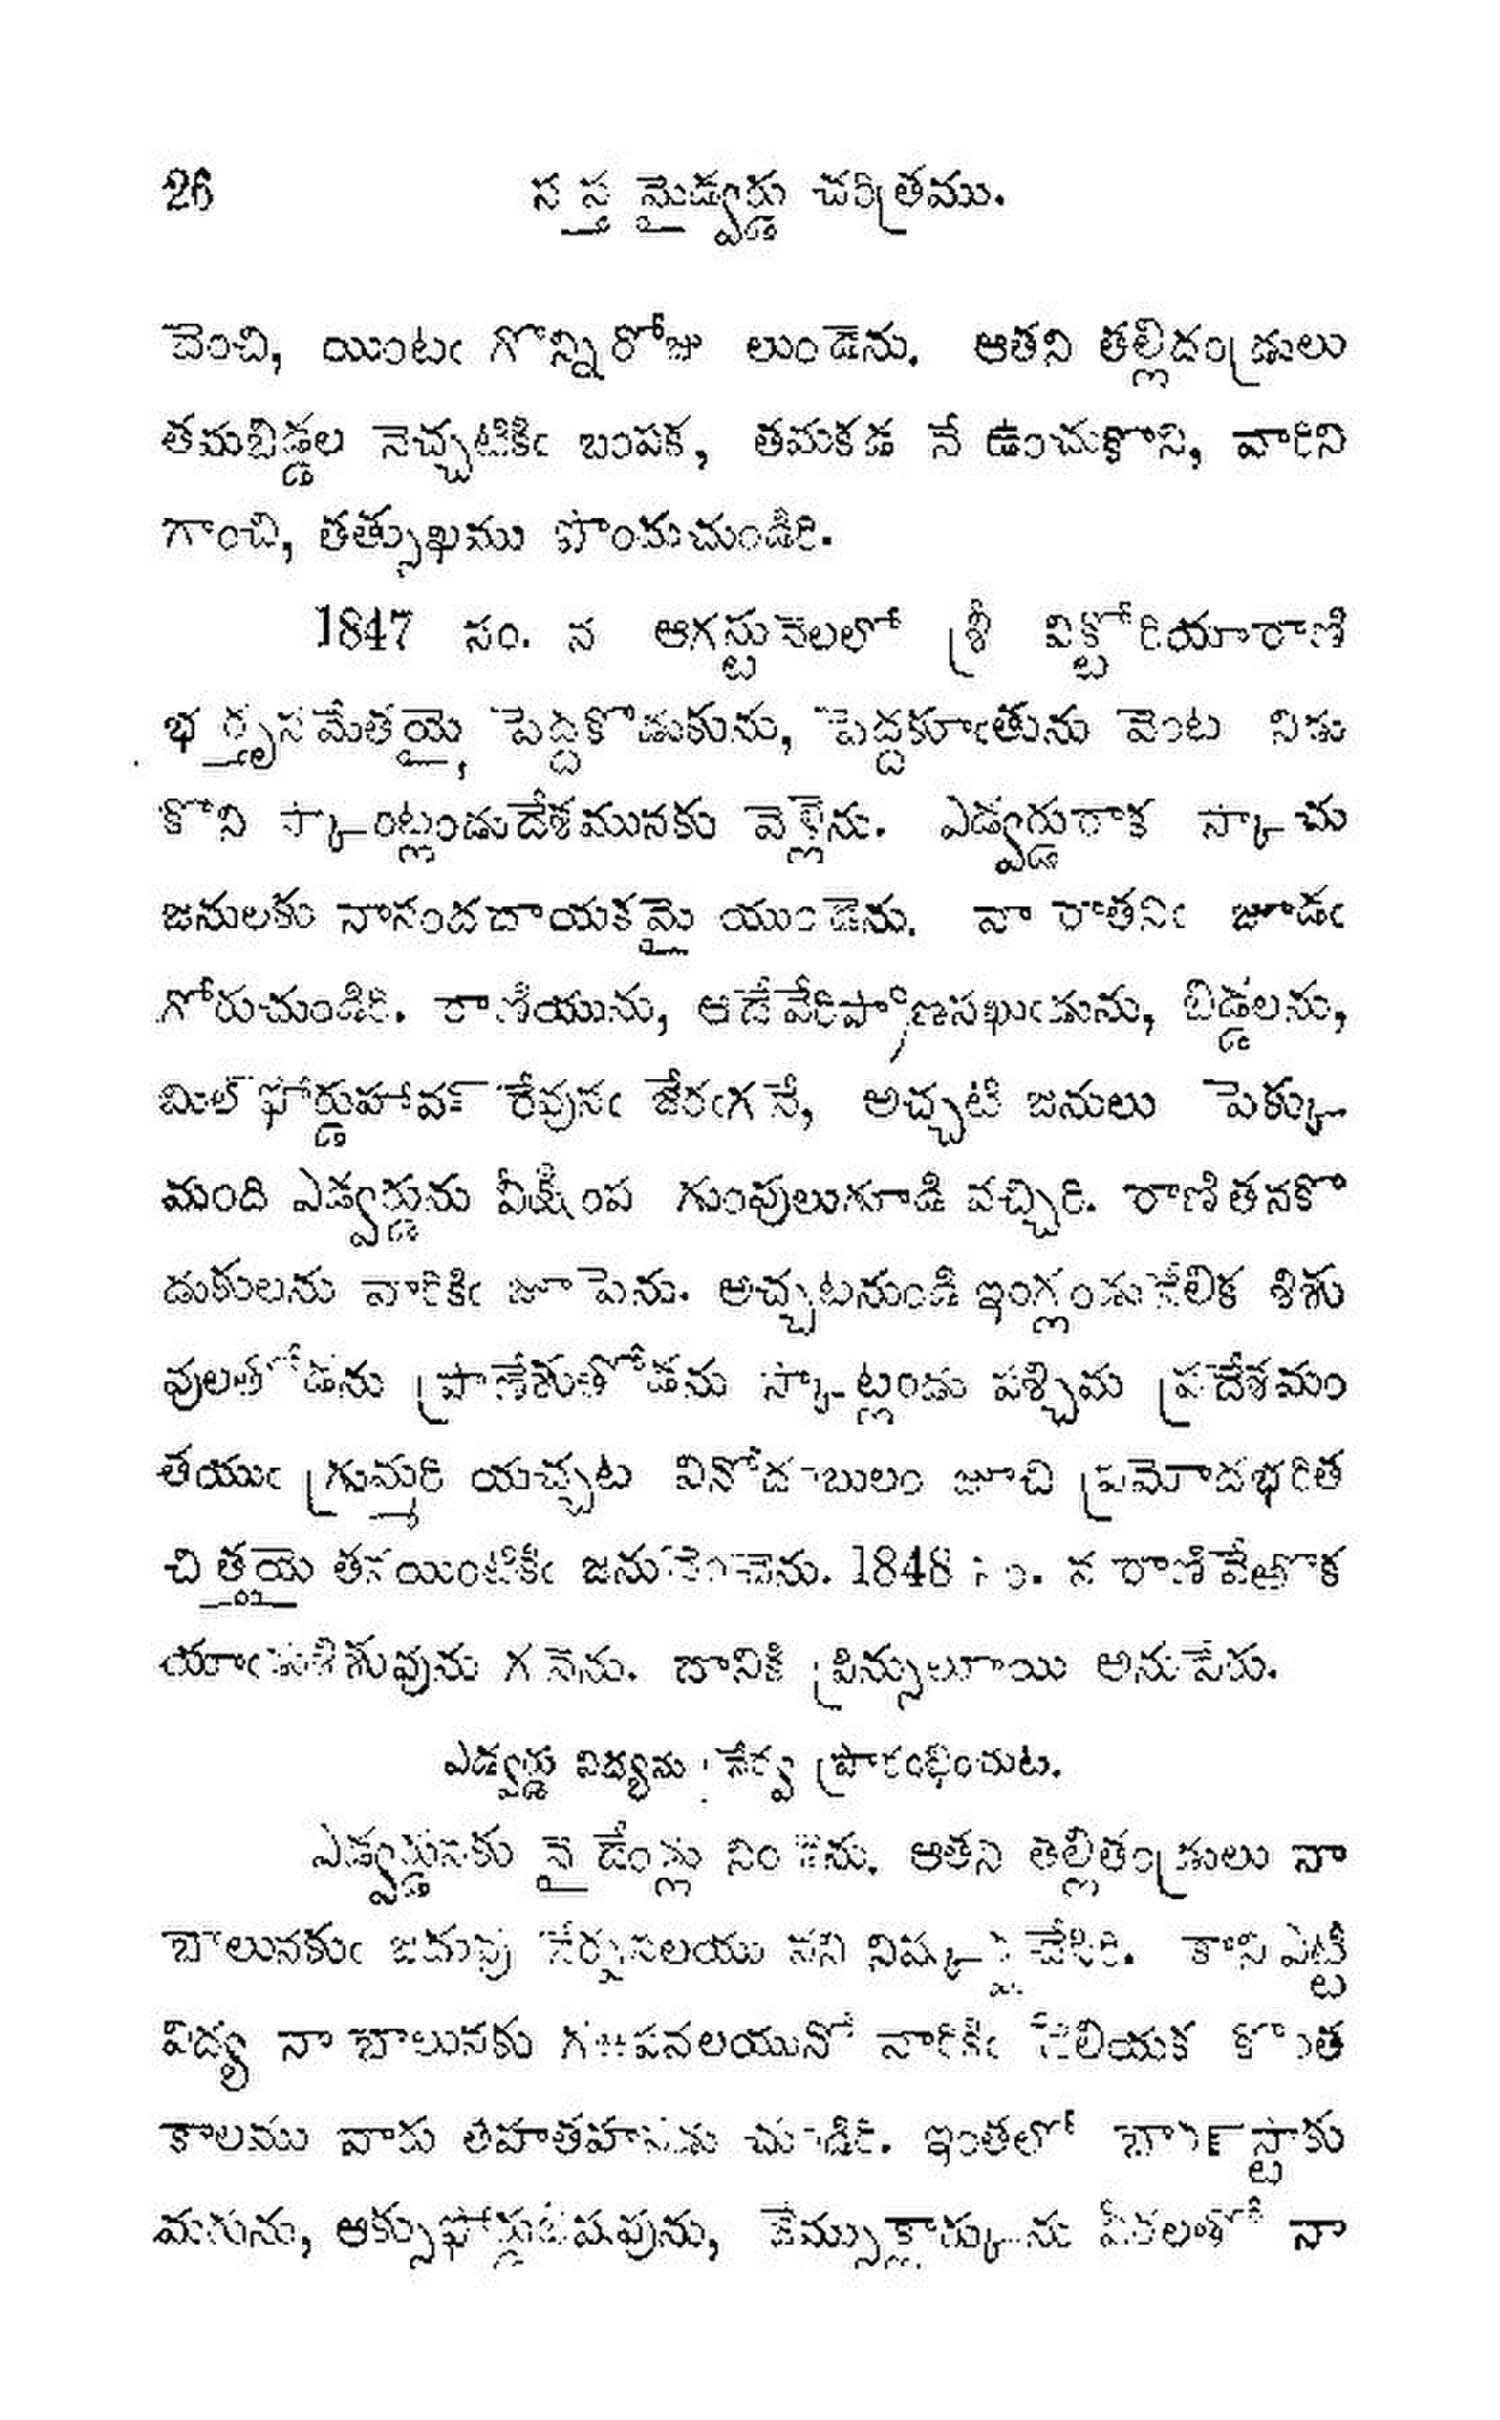చెంచి, యింటఁ గొన్ని రోజు లుండెను. అతని తల్లిదండ్రులుతమబిడ్డల నెచ్చటికీ బంపక, తమకడ నే ఉంచుకొని, వారిని గాంచి, తత్సుఖము కొంచుచుండిరి.

1847 సం. న ఆగస్టు నెలలో శ్రీ విక్టోరియా రాణిభర్తృస మేత యై "పెద్దకొడుకును, "పెద్దకూతును వెంట నిడుకొని స్కాంట్లండు దేశమునకు వెళ్లెను. ఎడ్వర్డురాక స్కాచు జనులకు నానందదాయకమై యుండెను. వారాతని జూడఁగోరుచుండిరి. రాణియును, ఆదే వేరి ప్రాణసఖుఁడును, బిడ్డలను,
మిల్ 'ఫోర్డు హావక్ "రేవునఁ జేరఁగనే, అచ్చటి జనులు పెక్కుమంది ఎడ్వర్డును వీక్షింప గుంపులు గూడి వచ్చిరి. రాణి తనకోడుకులను వారికిఁ జూ పెను. అచ్చటనుండి ఇంగ్లండు నేలిక శిశు
వుల తోడను ప్రాణేశు తోడను స్కాట్లండు పశ్చిమ ప్రదేశమంతయుఁ గ్రుమ్మరి యచ్చట వినోద బులం జూచి ప్రమోదభరిత చిత్తయై తనయింటికిఁ జను నెంచెను. 1848 -సం.. న రాణివేరొక యాడ శిశువును గ నెను. దానికి ప్రిన్సులూయి అను పేరు.

ఎడ్వర్డునకు నైదేండ్లు నిం డెను. అతని తల్లీతండ్రులుబాలునకుఁ జదువు నేర్ప వలయు నని నిష్కర్ష చేసిరి.. కాని ఎట్టివిద్య నా బాలునకు గ'ఱ పవలయునో వారికి తె లియక కొంత
కాలము వారు తహతహపడు చుండిరి. ఇంతలో బారన్ స్టాకుమరును, ఆక్సుఫోర్లు బిషపును, జేమ్సు క్లార్కును. వీరలతో వా